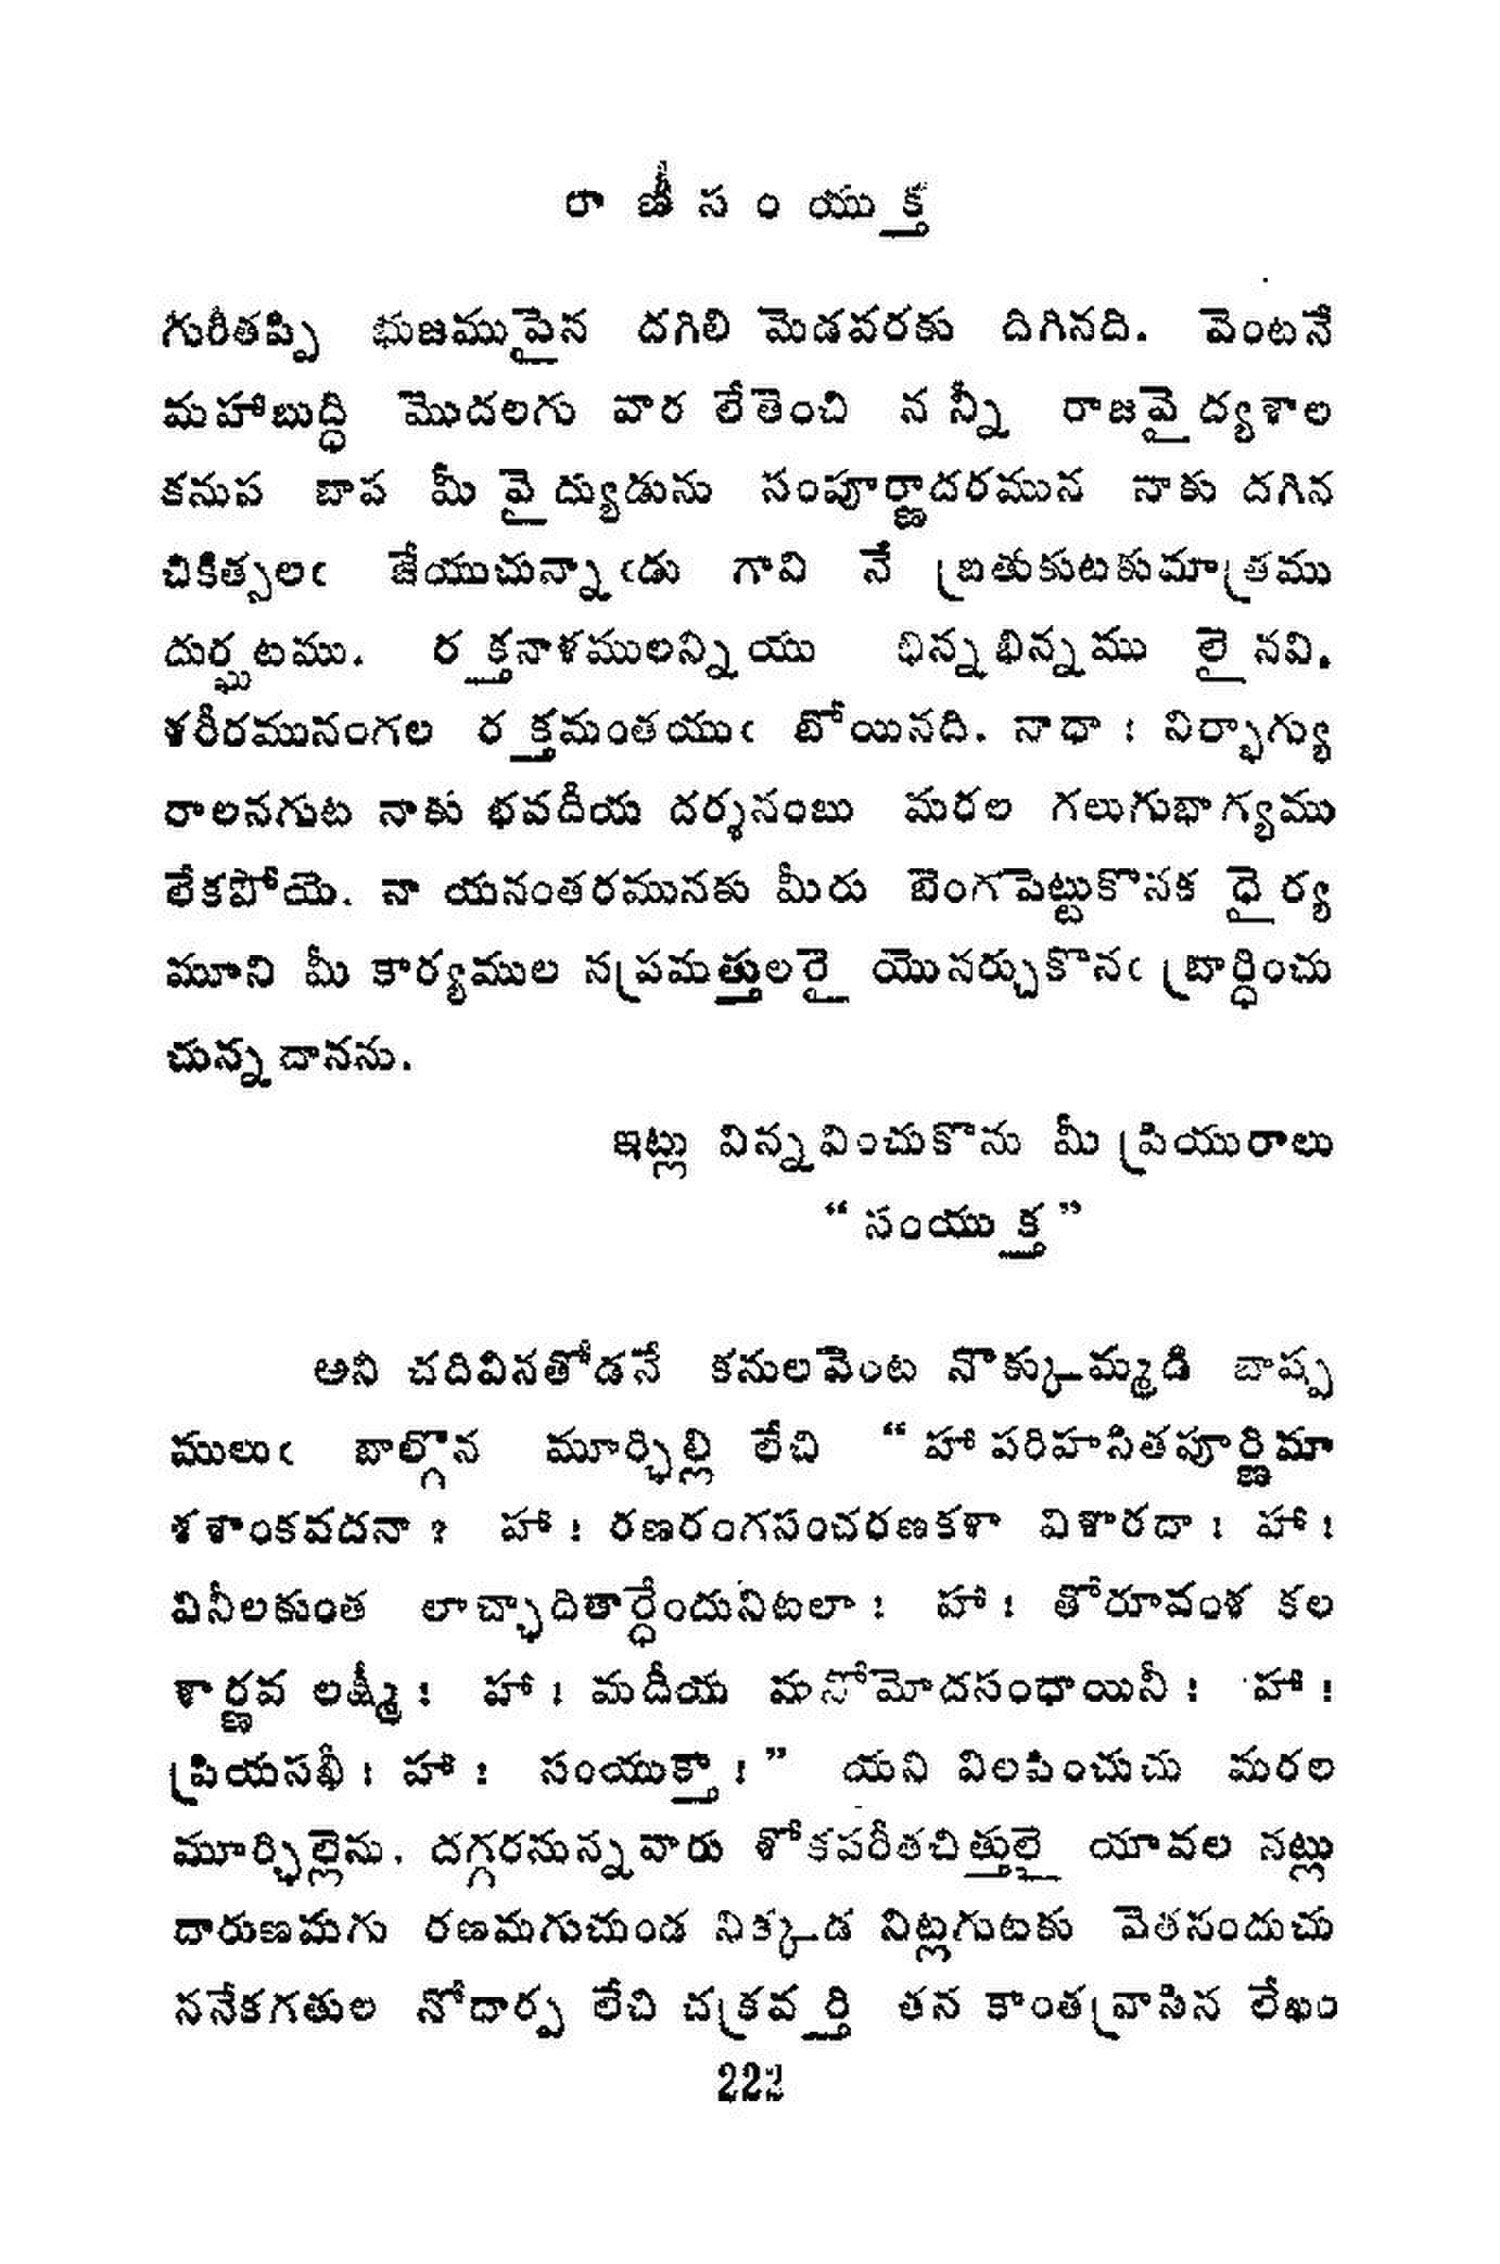గురితప్పి భుజముపైన దగిలి మెడవరకు దిగినది. వెంటనే మహాబుద్ది మొదలగు వార లేతెంచి నన్నీ రాజవైద్యశాల కనువ బాప మీ వైద్యుడును సంపూర్ణాదరమున నాకు దగిన చికిత్సలఁ జేయుచున్నాఁడు గాని నే బ్రతుకుటకుమాత్రము దుర్ఘటము. రక్తనాళములన్నియు భిన్న భిన్నము లైనవి. శరీరమునంగల రక్తమంతయుఁ బోయినది. నాధా ! నిర్భాగ్యురాలనగుట నాకు భవదీయ దర్శనంబు మరల గలుగుభాగ్యము లేకపోయే. నా యనంతరమునకు మీరు బెంగపెట్టుకొనక ధైర్య మూని మీ కార్యముల నప్రమత్తులరై యొనర్చుకొనఁ బ్రార్ధించు చున్న దానను.

అని చదివినతోడనే కనుల వెంట నొక్కుమ్మడి బాష్పములుఁ బాల్గొన మూర్చిల్లి లేచి "హా పరిహసితపూర్ణిమా శశాంకవదనా? హా ! రణరంగసంచరణకళా విశారదా ! హా! వినీలకుంత లాచ్చాదితార్దేందునిటలా ! హా ! తోరూవంశ కల శార్ణవ లక్ష్మీ : హా ! మదీయ మనోమోదసంధాయినీ! హా ! ప్రియసఖీ ! హా ! సంయుక్తా !" యని విలపించుచు మరల మూర్ఛిల్లెను , దగ్గరనున్న వారు శోకపరీతచిత్తులై యావల నట్లు దారుణమగు రణమగుచుండ నిక్కడ నిట్లగుటకు వెతనందుచు ననేకగతుల నోదార్ప లేచి చక్రవర్తి తన కాంతవ్రాసిన లేఖం